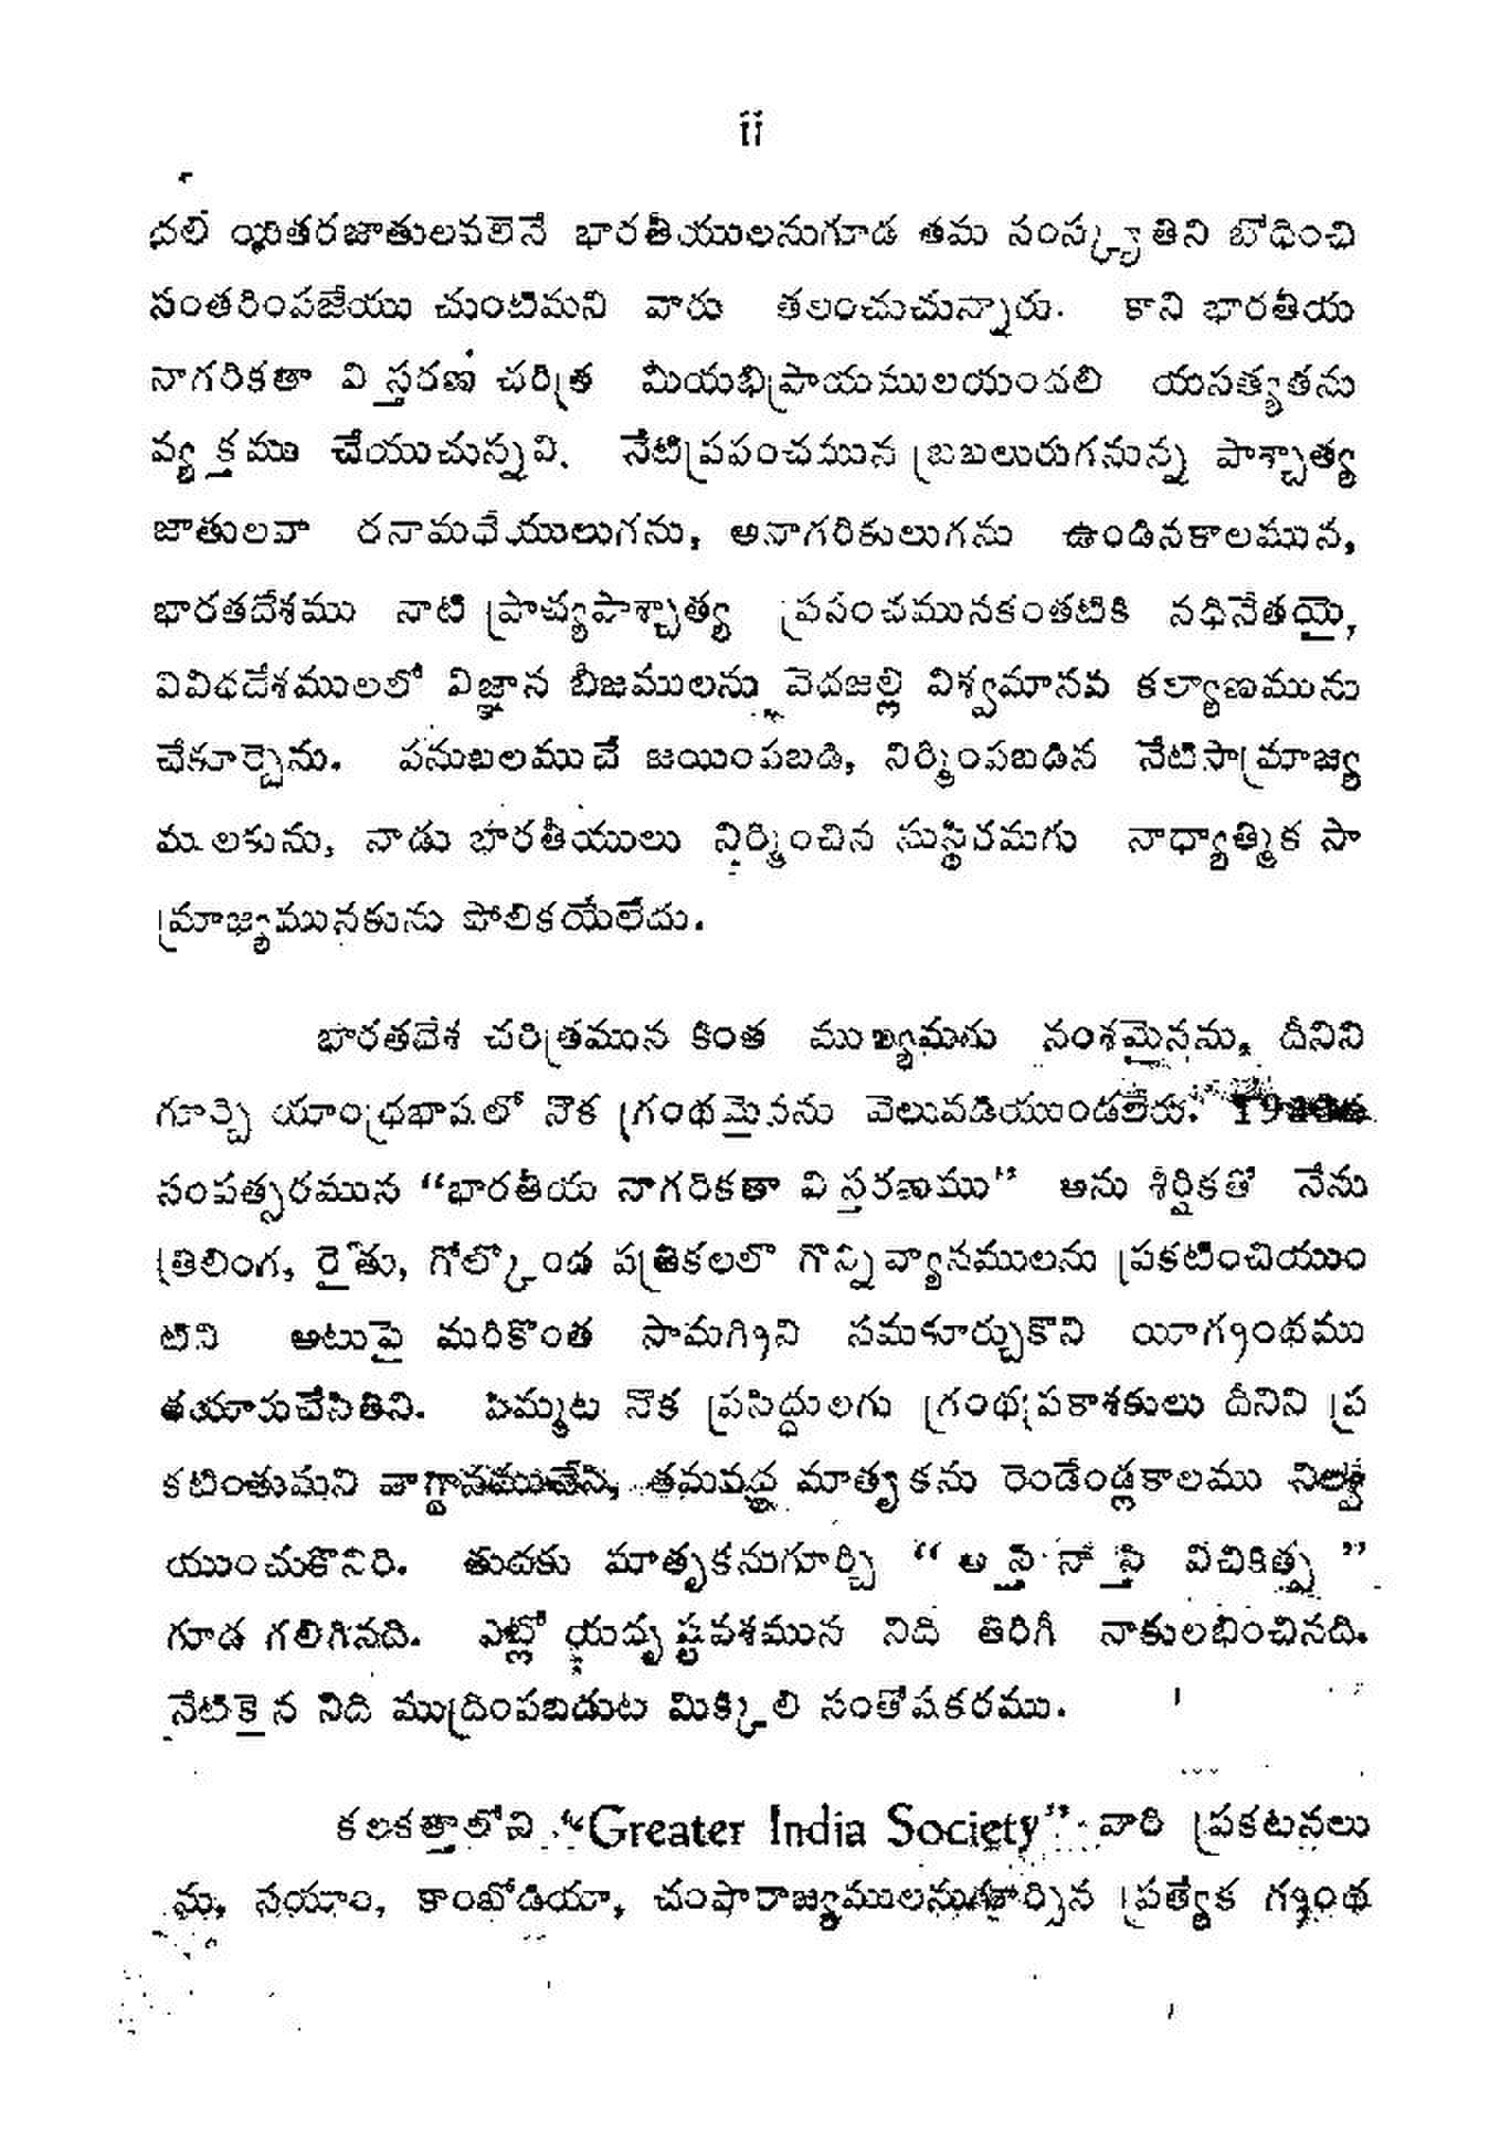దలి యితరజాతులవలెనే భారతీయులనుగూడ తమ సంస్కృతిని బోధించి నంతరింపజేయు చుంటిమని వారు తలంచుచున్నారు. కాని భారతీయ నాగరికతా విస్తరణ చరిత్ర మీయభిప్రాయములయందలి యసత్యతను వ్యక్తము చేయుచున్నవి. నేటి ప్రపంచమున బ్రబలురుగనున్న పాశ్చాత్య జాతులవా రనామధేయులుగను, అనాగరికులుగను ఉండినకాలమున, భారతదేశము నాటి ప్రాచ్యపాశ్చాత్య ప్రపంచమునంతటికి నధినేతయై, వివిధదేశములలో విజ్ఞాన బీజములను వెదజల్లి విశ్వమానవ కల్యాణమును చేకూర్చెను. పసుబలముచే జయింపబడి, నిర్మింపబడిన నేటి సామ్రాజ్యములకును, నాడు భారతీయులు నిర్మించిన సుస్థిరమగు నాధ్యాత్మిక సామ్రాజ్యమునకును పోలికయేలేదు.

భారతదేశ చరిత్రమున కింత ముఖ్యమగు నంశమైనను, దీనిని గూర్చి యాంధ్రభాషలో నొక గ్రంథమైనను వెలువడియుండలేదు.1922 వ సంవత్సరమున "భారతీయ నాగరికతా విస్తరణము" అను శీర్షికతో నేను త్రిలింగ, రైతు, గోల్కొండ పత్రికలలో గొన్ని వ్యాసములను ప్రకటించియుంటిని అటుపై మరికొంత సామగ్రిని సమకూర్చుకొని యీగ్రంథము తయారుచేసితిని. పిమ్మట నొక ప్రసిద్ధులగు గ్రంథప్రకాశకులు దీనిని ప్రకటింతుమని వాగ్దానముచేసి, తమవద్ద మాతృకను రెండేండ్లకాలము నిల్వ యుంచుకొనిరి. తుదకు మాతృకనుగూర్చి "అస్తి నాస్తి విచికిత్ప" గూడ గలిగినది. ఎట్లో యదృష్టవశమున నిది తిరిగీ నాకులభించినది. నేటికైన నిది ముద్రింపబడుట మిక్కిలి సంతోషకరము.

కలకత్తాలోని "Greater India Society" వారి ప్రకటనలు మ, నయాం, కాంబోడియా, చంపారాజ్యములనుగూర్చిన ప్రత్యేక గ్రంథ